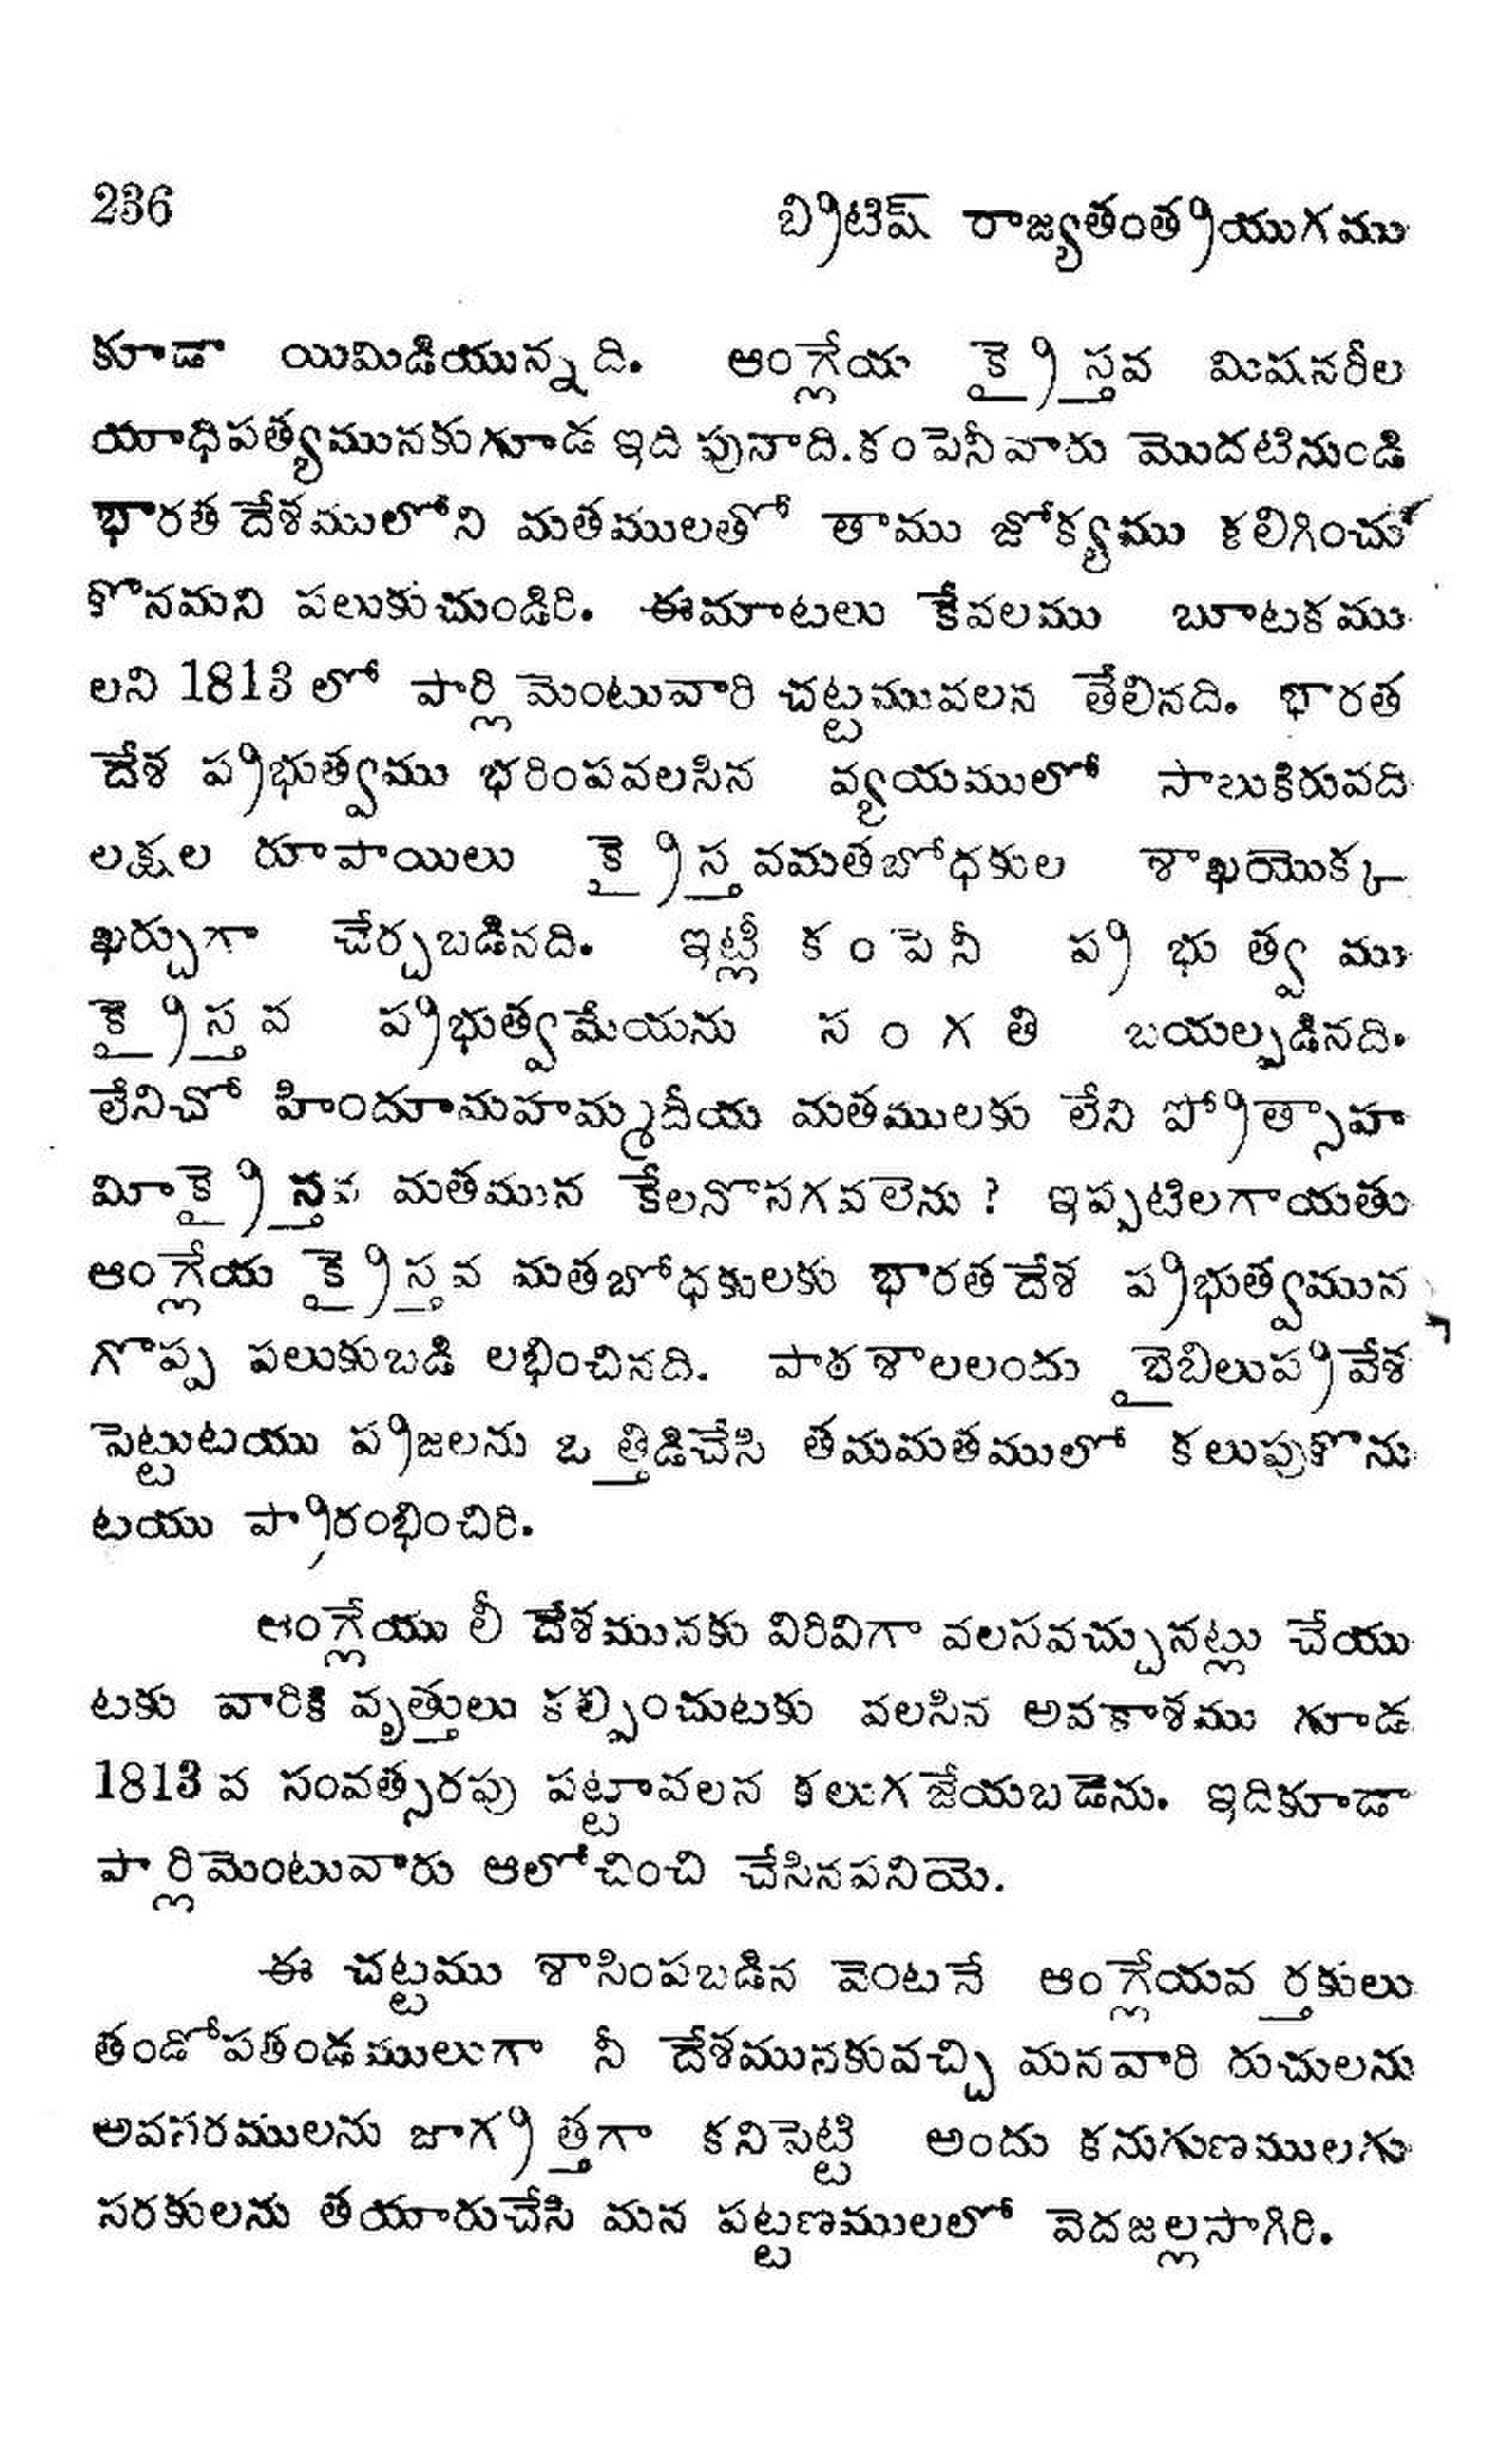కూడా యిమిడియున్నది. ఆంగ్లేయ క్రైస్తవ మిషనరీల యాధిపత్యమునకుగూడ ఇది పునాది. కంపెనీవారు మొదటినుండి
భారతదేశములోని మతములతో తాము జోక్యము కలిగించు కొనమని పలుకుచుండిరి. ఈమాటలు కేవలము బూటకములని 1813 లో పార్లిమెంటువారి చట్టమువలన తేలినది. భారతదేశ ప్రభుత్వము భరింపవలసిన వ్యయములో సాలుకిరువది లక్షల రూపాయిలు క్రైస్తవమతబోధకుల శాఖయొక్క ఖర్చుగా చేర్చబడినది. ఇట్లే కంపెనీ ప్రభుత్వము క్రైస్తవ ప్రభుత్వమేయను సంగతి బయల్పడినది. లేనిచో హిందూమహమ్మదీయ మతములకు లేని పోత్సాహ మీక్రైస్తవ మతమున కేలనొసగవలెను? ఇప్పటిలగాయతు ఆంగ్లేయ క్రైస్తవ మతబోధకులకు భారతదేశ ప్రభుత్వమున గొప్ప పలుకుబడి లభించినది. పాఠశాలలందు బైబిలుప్రవేశ పెట్టుటయు ప్రజలను ఒత్తిడిచేసి తమమతములో కలుపుకొనుటయు ప్రారంభించిరి.

ఆంగ్లేయు లీ దేశమునకు విరివిగా వలసవచ్చునట్లు చేయుటకు వారికి వృత్తులు కల్పించుటకు వలసిన అవకాశము గూడ 1813 వ సంవత్సరపు పట్టావలన కలుగజేయబడెను. ఇదికూడా పార్లమెంటువారు ఆలోచించి చేసినపనియె.

ఈ చట్టము శాసింపబడిన వెంటనే ఆంగ్లేయవర్తకులు తండోపతండములుగా నీ దేశమునకువచ్చి మనవారి రుచులను అవసరములను జాగ్రత్తగా కనిపెట్టి అందు కనుగుణములగు సరకులను తయారుచేసి మన పట్టణములలో వెదజల్లసాగిరి.